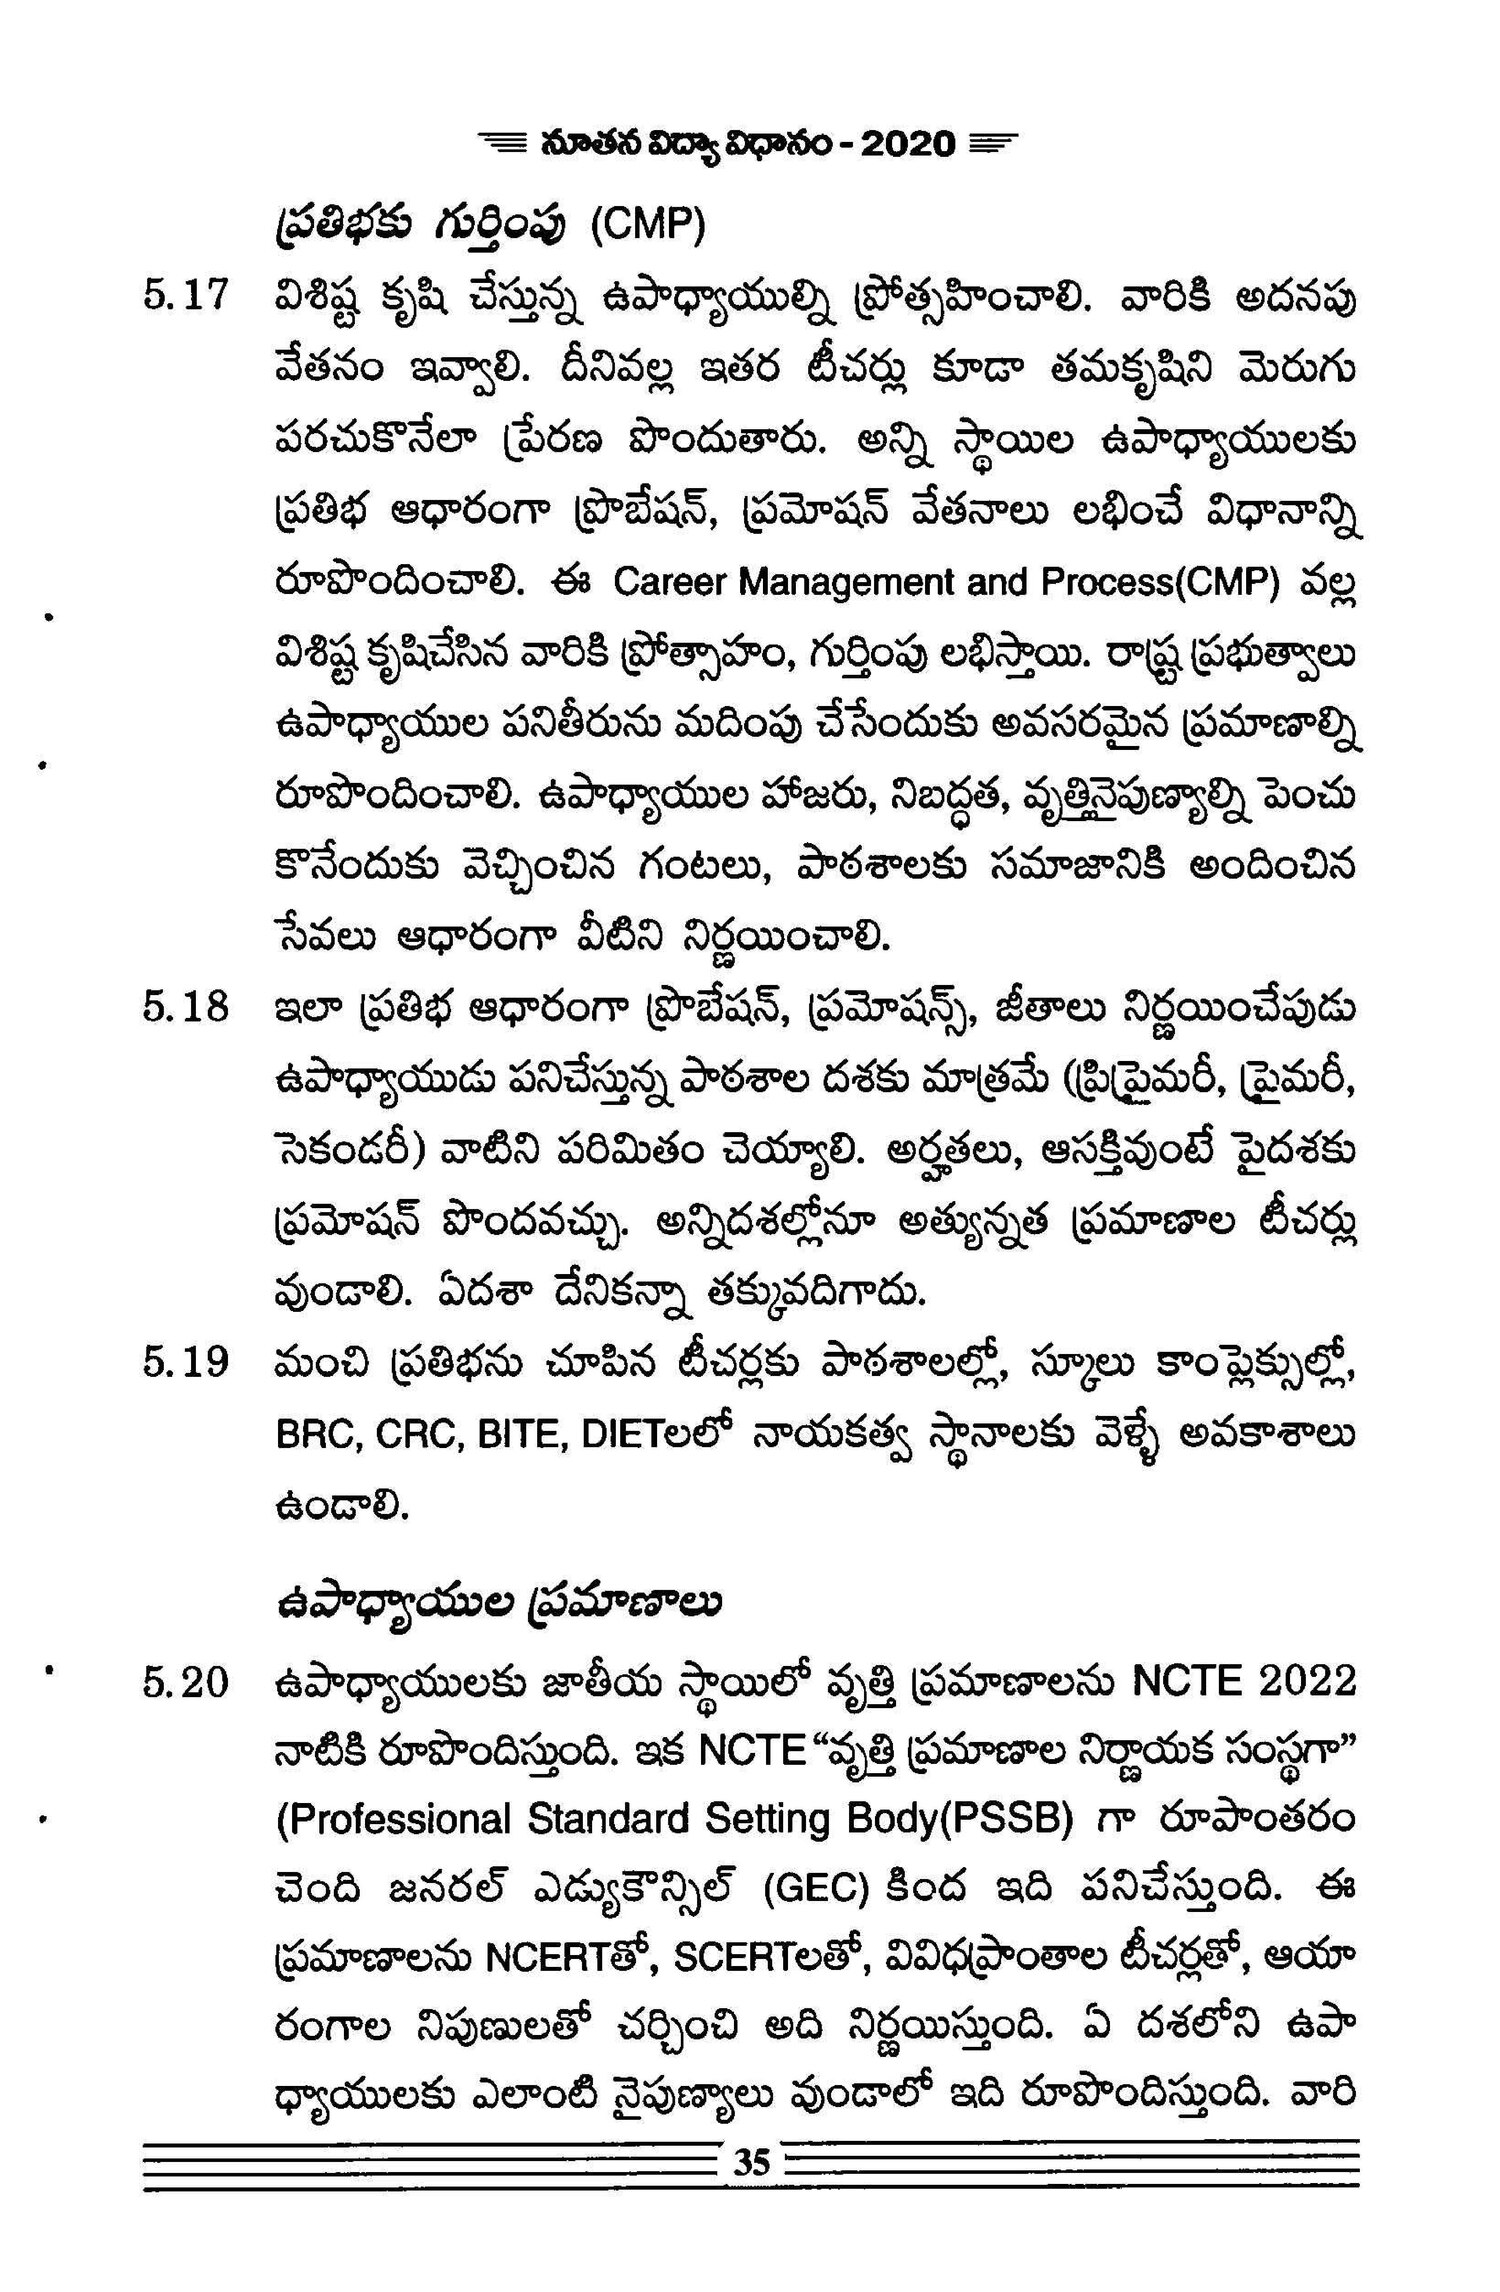ప్రతిభకు గుర్తింపు (CMP)
5.17 విశిష్ట కృషి చేస్తున్న ఉపాధ్యాయులను ప్రోత్సహించాలి. వారికి అదనపు వేతనం ఇవ్వాలి. దీనివల్ల ఇతర ఉపాధ్యాయులు కూడా తమ కృషిని మెరుగుపరచుకునేందుకు ప్రేరణ పొందుతారు. అన్ని స్థాయిల ఉపాధ్యాయులకు ప్రతిభ ఆధారంగా ప్రొబేషన్, ప్రమోషన్, వేతనాలు లభించే విధానాన్ని రూపొందించాలి. ఈ Career Management and Process (CMP) వల్ల విశిష్టంగా కృషి చేసిన వారికి ప్రోత్సాహం, గుర్తింపు లభిస్తాయి. రాష్ట్ర ప్రభుత్వాలు ఉపాధ్యాయుల పనితీరు మదింపు చేసేందుకు అవసరమైన ప్రమాణాలను రూపొందించాలి. ఉపాధ్యాయుల హాజరు, నిబద్ధత, వృత్తి నైపుణ్యాల అభివృద్ధి కోసం వెచ్చించిన గంటలు, పాఠశాలలకు మరియు సమాజానికి అందించిన సేవల ఆధారంగా ఈ మదింపు జరుగాలి.

5.18
ఇలా ప్రతిభ ఆధారంగా ప్రొబేషన్, ప్రమోషన్లు, జీతాలు నిర్ణయించేప్పుడు ఉపాధ్యాయుడు పనిచేస్తున్న పాఠశాల దశకే (ప్రీ-ప్రైమరీ, ప్రైమరీ, సెకండరీ) వాటిని పరిమితం చేయాలి. అర్హతలు, ఆసక్తి ఉన్న వారు పై దశకు ప్రమోషన్ పొందవచ్చు. అన్నీ దశలలోను అత్యున్నత ప్రమాణాల ఉపాధ్యాయులు ఉండాలి. ఒక్క దశ కూడా మరొక దశకంటే తక్కువ కాదు.

5.19
మంచి ప్రతిభ చూపిన ఉపాధ్యాయులకు పాఠశాలల్లో, స్కూలు కాంప్లెక్సుల్లో, BRC, CRC, BITE, DIET లలో నాయకత్వ స్థానాలకు వెళ్లే అవకాశాలు ఉండాలి.

ఉపాధ్యాయుల ప్రమాణాలు
5.20
ఉపాధ్యాయుల వృత్తి ప్రమాణాలను జాతీయ స్థాయిలో NCTE 2022 నాటికి రూపొందిస్తుంది. ఇకపై NCTE "వృత్తి ప్రమాణాల నిర్ణాయక సంస్థ" (Professional Standard Setting Body – PSSB)గా రూపాంతరం చెందుతుంది. ఇది జెనరల్ ఎడ్యుకౌన్సిల్ (GEC) ఆధ్వర్యంలో పనిచేస్తుంది. ఈ ప్రమాణాలను NCERT, SCERTలు, వివిధ ప్రాంతాల ఉపాధ్యాయులు, ఆయా రంగాల నిపుణులతో చర్చించి రూపొందించనుంది. ఏ దశలోని ఉపాధ్యాయులకు ఎలాంటి నైపుణ్యాలు అవసరమో అన్నదాన్ని స్పష్టంగా నిర్ణయిస్తుంది.